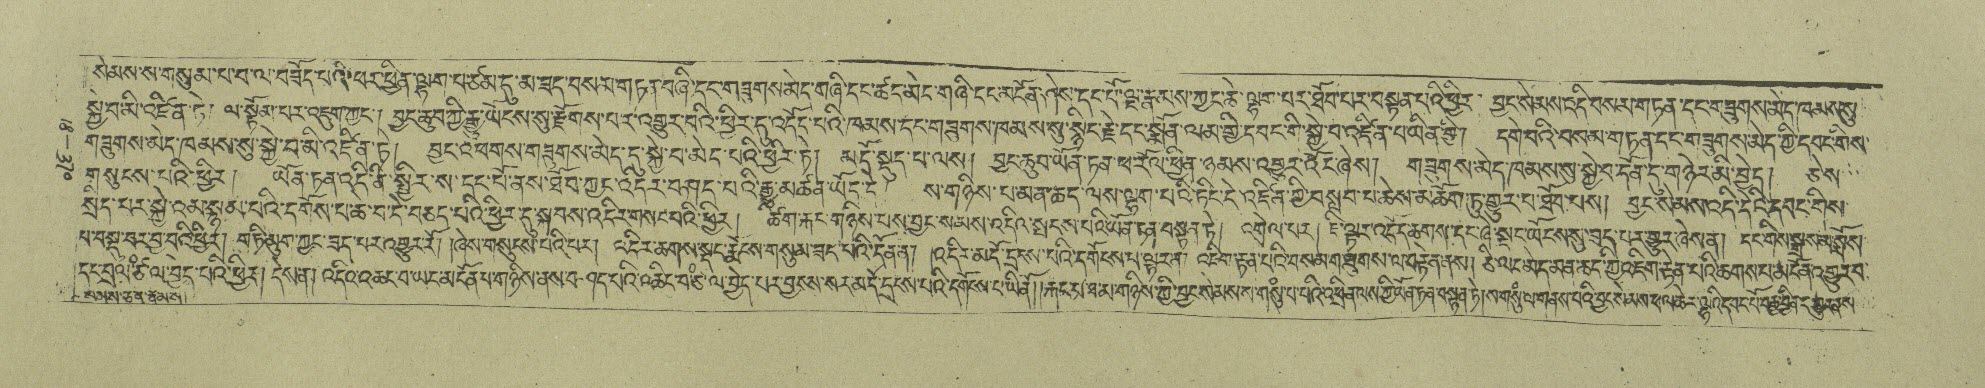ཙམ་དུ་མ་ཟད་བསམ་གཏན་བཞི་དང་གཟུགས་མེད་གཞི་དང་ཚད་མེད་བཞི་དང་། མངོན་ཤེས་དང་པོ་ལྔ་རྣམས་ཀྱང་ཆེས་ལྷག་པར་ཐོབ་པར་བསྟན་པའི་ཕྱིར། བྱང་སེམས་འདི་བསམ་གཏན་དང་གཟུགས་མེད་ལ་སྙོམས་པར་འཇུག་ཀྱང་། བྱང་ཆུབ་ཀྱི་རྒྱུ་ཡོངས་སུ་རྫོགས་པར་
འགྱུར་པའི་ཕྱིར་དུ་འདོད་པའི་ཁམས་དང་གཟུགས་ཁམས་སུ་སྙིང་རྗེ་དང་སྨོན་ལམ་གྱི་དབང་གི་སྐྱེ་བ་འཛིན་པ་ཡིན་གྱི། དགེ་བའི་བསམ་གཏན་དང་གཟུགས་མེད་ཀྱི་དབང་གིས་གཟུགས་མེད་ཁམས་སུ་སྐྱེ་བ་མི་འཛིན་ཏེ། བྱང་འཕགས་གཟུགས་མེད་དུ་སྐྱེ་བ་མེད་
པའི་ཕྱིར་ཏེ། མདོ་སྡུད་པ་ལས། བྱང་ཆུབ་ཡོན་ཏན་ཕ་རོལ་ཕྱིན་ཉམས་འགྱུར་འོང་ཞེས། །གཟུགས་མེད་ཁམས་སུ་སྐྱེ་བ་དོན་དུ་གཉེར་མི་བྱེད། །ཅེས་གསུངས་པའི་ཕྱིར། ཡོན་ཏན་འདི་ནི་སྤྱིར་ས་དང་པོ་ནས་ཐོབ་ཀྱང་འདིར་བཤད་པའི་རྒྱུ་མཚན་ཡོད་དེ། ས་
གཉིས་པ་མན་ཆད་ལས་ལྷག་པའི་ཏིང་ངེ་འཛིན་གྱི་བསླབ་པ་ཆེས་མཆོག་ཏུ་གྱུར་བ་ཐོབ་པས། བྱང་སེམས་འདི་དེའི་དབང་གིས་སྲིད་པར་སྐྱེའམ་སྙམ་པའི་དོགས་པ་ཆེ་བས་དེ་བཅད་པའི་ཕྱིར་དུ་སྐབས་འདིར་གསུངས་པའི་ཕྱིར། ཚིག་རྐང་གཉིས་པས་བྱང་སེམས་འདིའི་
སྤངས་པའི་ཡོན་ཏན་བསྟན་ཏེ། འགྲེལ་པར། ཇི་ལྟར་འདོད་ཆགས་དང་ཞེ་སྡང་ཡོངས་སུ་ཟད་པར་འགྱུར་ཞེ་ན། དང་གི་སྒྲས་ན་སྨོས་པ་བསྡ་བར་བྱ་བའི་ཕྱིར། གཏི་མུག་ཀྱང་ཟད་པར་འགྱུར་རོ། །ཞེས་གསུངས་པའི་ཕྱིར། འདིར་ཆགས་སྡང་རྨོངས་གསུམ་ཟད་
པའི་དོན་ནི། འདིར་མདོ་དྲངས་པའི་དགོངས་པ་ལྟར་ན། འཇིག་རྟེན་པའི་བསམ་གཟུགས་ལ་བརྟེན་ནས། ཅི་ཡང་མེད་མན་ཆད་ཀྱི་འཇིག་རྟེན་པའི་ཆགས་པ་མངོན་གྱུར་པ་དང་བྲལ་ཙམ་ལ་བྱེད་པའི་ཕྱིར། དེས་ན། འདིའི་འཆིང་བ་ཡང་མངོན་པ་གཉིས་ནས་བཤད་པའི་
འཆིང་བ་ཙམ་ལ་བྱེད་པར་བྱངས་སར་མདོ་དྲངས་པའི་དགོངས་པ་ཡིན་ནོ། །རྐང་པ་ཐ་མ་གཉིས་ཀྱི་བྱང་སེམས་ས་གསུམ་པ་པའི་འཕྲིན་ལས་ཀྱི་ཡོན་ཏན་བསྟན་ཏེ། ས་གསུམ་པ་ལ་གནས་པའི་བྱང་སེམས་ཕལ་ཆེར་ལྷའི་དབང་པོ་བརྒྱ་བྱིན་དུ་གྱུར་ནས་སེམས་ཅན་རྣམས་